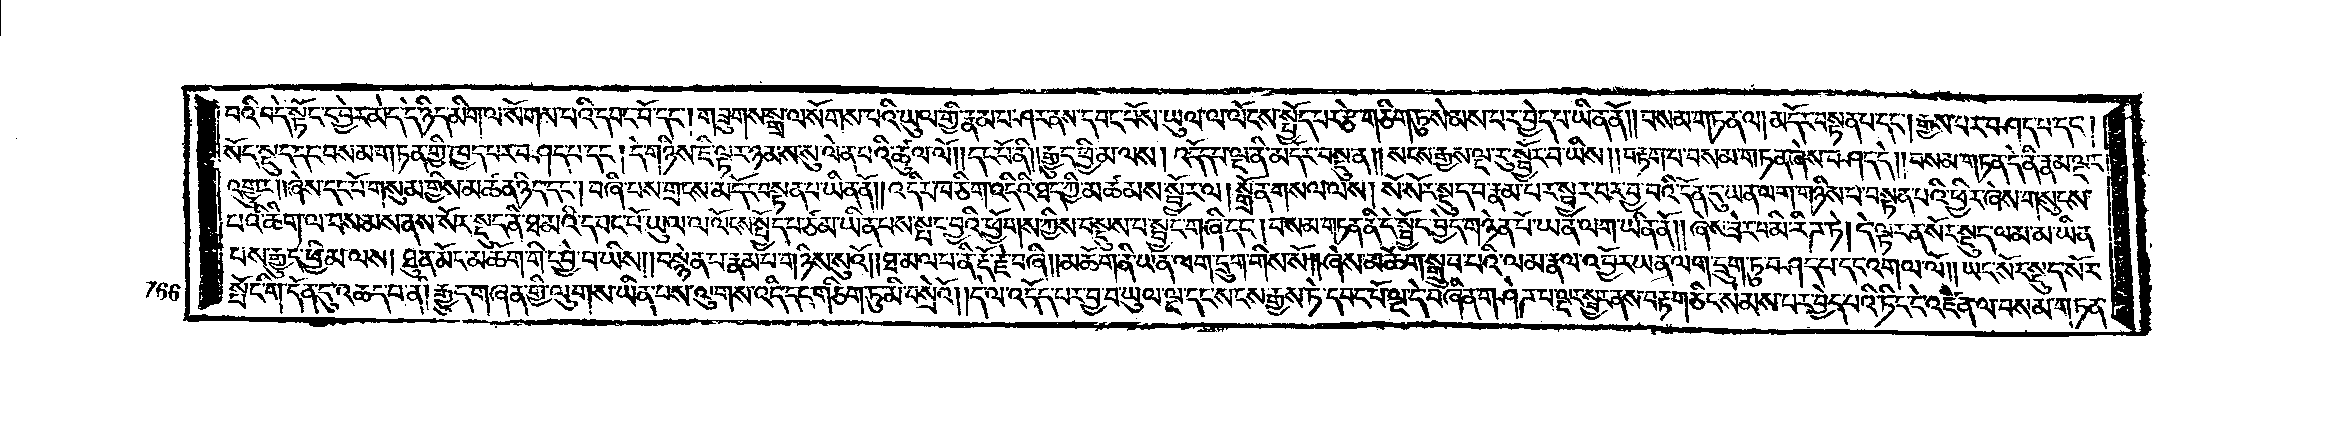བའི་བདེ་སྟོང་དབྱེར་མེད་དེ་ཉིད་མིག་ལ་སོགས་པའི་དབང་པོ་དང་། གཟུགས་སྒྲ་ལ་སོགས་པའི་ཡུལ་གྱི་རྣམ་པ་ཤར་ནས་དབང་པོས་ཡུལ་ལ་ལོངས་སྤྱོད་པར་རྩེ་གཅིག་ཏུ་སེམས་པར་བྱེད་པ་ཡིན་ནོ། །བསམ་གཏན་ལ། མདོར་བསྟན་པ་དང་། རྒྱས་པར་བཤད་པ་དང་།
སོད་སྡུད་དང་བསམ་གཏན་གྱི་ཁྱད་པར་བཤད་པ་དང་། དེ་གཉིས་ཇི་ལྟར་ཉམས་སུ་ལེན་པའི་ཚུལ་ལོ། །དང་པོ་ནི། །རྒྱུད་ཕྱི་མ་ལས། འདོད་པ་ལྔ་ནི་མདོར་བསྡུ་ན། །སངས་རྒྱས་ལྔ་རུ་སྦྱོར་བ་ཡིས། །བརྟག་པ་བསམ་གཏན་ཞེས་བཤད་དེ། །བསམ་གཏན་དེ་ནི་རྣམ་ལྔར་
འགྱུར། །ཞེས་དང་པོ་གསུམ་གྱིས་མཚན་ཉིད་དང་། བཞི་པས་གྲངས་མདོར་བསྟན་པ་ཡིན་ནོ། །འདིར་ཁ་ཅིག་འདིའི་ཐད་ཀྱི་མཚམས་སྦྱོར་ལ། སྒྲོན་གསལ་ལས། སོ་སོར་སྡུད་པ་རྣམ་པར་སྦྱར་བར་བྱ་བའི་དོན་དུ་ཡན་ལག་གཉིས་པ་བསྟན་པའི་ཕྱིར་ཞེས་གསུངས་
པའི་ཚིག་ལ་བསམས་ནས་སོར་སྡུད་ནི་ཐ་མའི་དབང་པོ་ཡུལ་ལ་ལོངས་སྤྱོད་པ་ཙམ་ཡིན་པས་སྤང་བྱའི་ཕྱོགས་ཀྱིས་བསྡུས་པ་སྦྱང་གཞི་དང་། བསམ་གཏན་ནི་དེ་སྦྱོང་བྱེད་གཉེན་པོ་ཡན་ལག་ཡིན་ནོ། །ཞེས་ཟེར་བ་མི་རིགས་ཏེ། དེ་ལྟར་ན་སོར་སྡུད་ལམ་མ་ཡིན་
པས་རྒྱུད་ཕྱི་མ་ལས། ཐུན་མོང་མཆོག་གི་དབྱེ་བ་ཡིས། །བསྙེན་པ་རྣམ་པ་གཉིས་སུའོ། །ཐ་མལ་པ་ནི་རྡོ་རྗེ་བཞི། །མཆོག་ནི་ཡན་ལག་དྲུག་གིས་སོ། །ཞེས་མཆོག་སྒྲུབ་པའི་ལམ་རྣལ་འབྱོར་ཡན་ལག་དྲུག་ཏུ་བཤད་པ་དང་འགལ་ལོ། །ཡང་སོར་སྡུད་སོར་
སྤོང་གི་དོན་དུ་འཆད་པ་ནི། རྒྱུད་གཞན་གྱི་ལུགས་ཡིན་པས་ལུགས་འདི་དང་གཅིག་ཏུ་མི་བསྲེའོ། །དེ་ལ་འདོད་པར་བྱ་བ་ཡུལ་ལྔ་དང་སངས་རྒྱས་ཏེ་དབང་པོ་ལྔ་དེ་བཞིན་གཤེགས་པ་ལྔར་སྦྱར་ནས་བརྟག་ཅིང་སེམས་པར་བྱེད་པའི་ཏིང་ངེ་འཛིན་ལ་བསམ་གཏན་